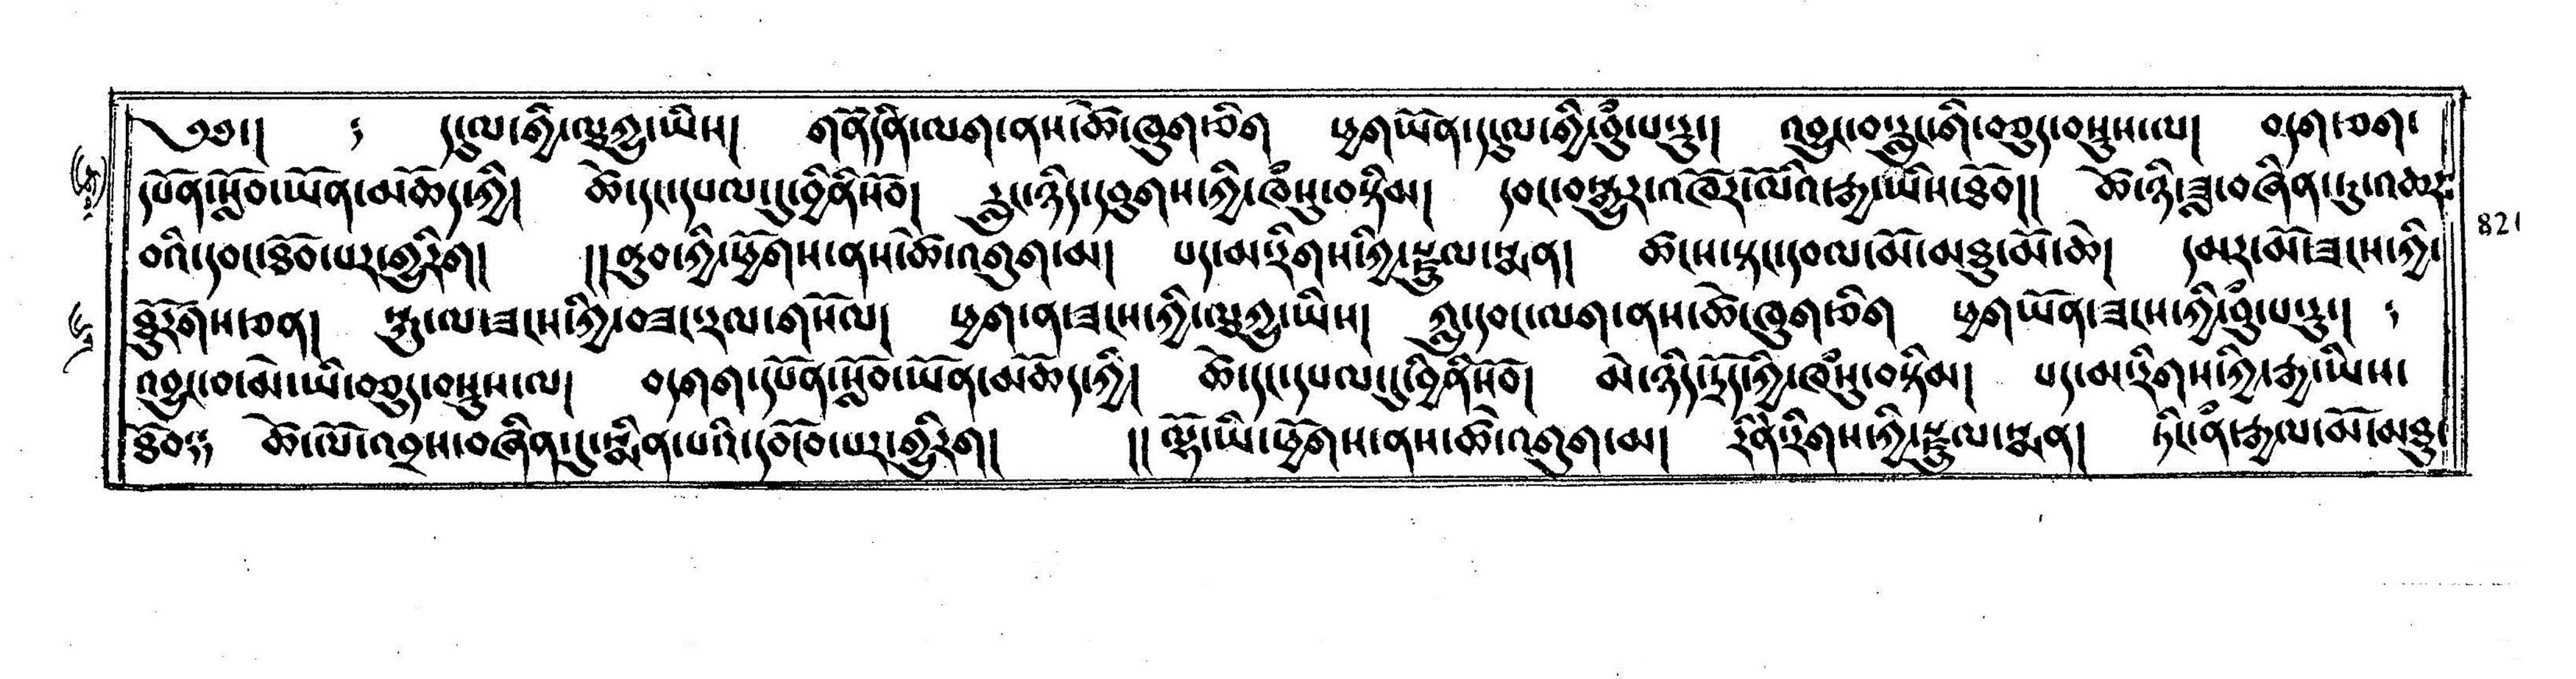དངུལ་གྱི་ལྕག་ཀྱུ་ཡིས། གནོད་སྦྱིན་ལག་ནས་ཚེ་ཁུག་ཅིག ཕྱག་གཡོན་དངུལ་གྱི་བུམ་པ་རུ། འབྱུང་བ་རླུང་གི་བཅུད་བསྡུས་ལ། བདག་ཅག་
དཔོན་སློབ་ཡོན་མཆོད་ཀྱི། ཚེ་དང་དཔལ་དུ་བྱིན་གྱིས་རློབས། རླུང་ཉིད་དབུགས་ཀྱི་ཁམས་སུ་བསྟིམ། དབང་བསྒྱུར་འཁོར་ལོའི་རྒྱ་ཡིས་ཐོབ།། ཚེ་ཉི་ཟླ་བཞིན་ཏུ་འཆར་
བའི་དབང་ཐོབ་པར་གྱུར་ཅིག །།ནུབ་ཀྱི་ཕྱོགས་ནས་ཚེ་འགུག་མ། པད་མ་རིགས་ཀྱི་རྫུ་འཕྲུལ་སྨན། ཚངས་སྟང་དབལ་མོ་མཐུ་མོ་ཆེ། དམར་མོ་ཟངས་ཀྱི་
ཐོར་ཚུགས་ཅན། སྐུ་ལ་ཟངས་ཀྱི་བཟང་རལ་གསོལ། ཕྱག་ན་ཟངས་ཀྱི་ལྕག་ཀྱུ་ཡིས། ཀླུ་དབང་ལག་ནས་ཚེ་ཁུག་ཅིག ཕྱག་གཡོན་ཟངས་ཀྱི་བུམ་པ་རུ། 
འབྱུང་བ་མེ་ཡི་བཅུད་བསྡུས་ལ། བདག་ཅག་དཔོན་སློབ་ཡོན་མཆོད་ཀྱི། ཚེ་དང་དཔལ་དུ་བྱིན་གྱིས་རློབས། མེ་ཉིད་དྲོད་ཀྱི་ཁམས་སུ་བསྟིམ། པད་མ་རིགས་ཀྱི་རྒྱ་ཡིས་
ཐོབ། ཚེ་ལོ་འབྲས་བཞིན་དུ་སྨིན་པའི་དབང་ཐོབ་པར་གྱུར་ཅིག །།ལྷོ་ཡི་ཕྱོགས་ནས་ཚེ་འགུག་མ། རིན་ཆེན་རིགས་ཀྱི་རྫུ་འཕྲུལ་སྨན། ཏིང་ནམ་རྒྱལ་མོ་མཐུ་